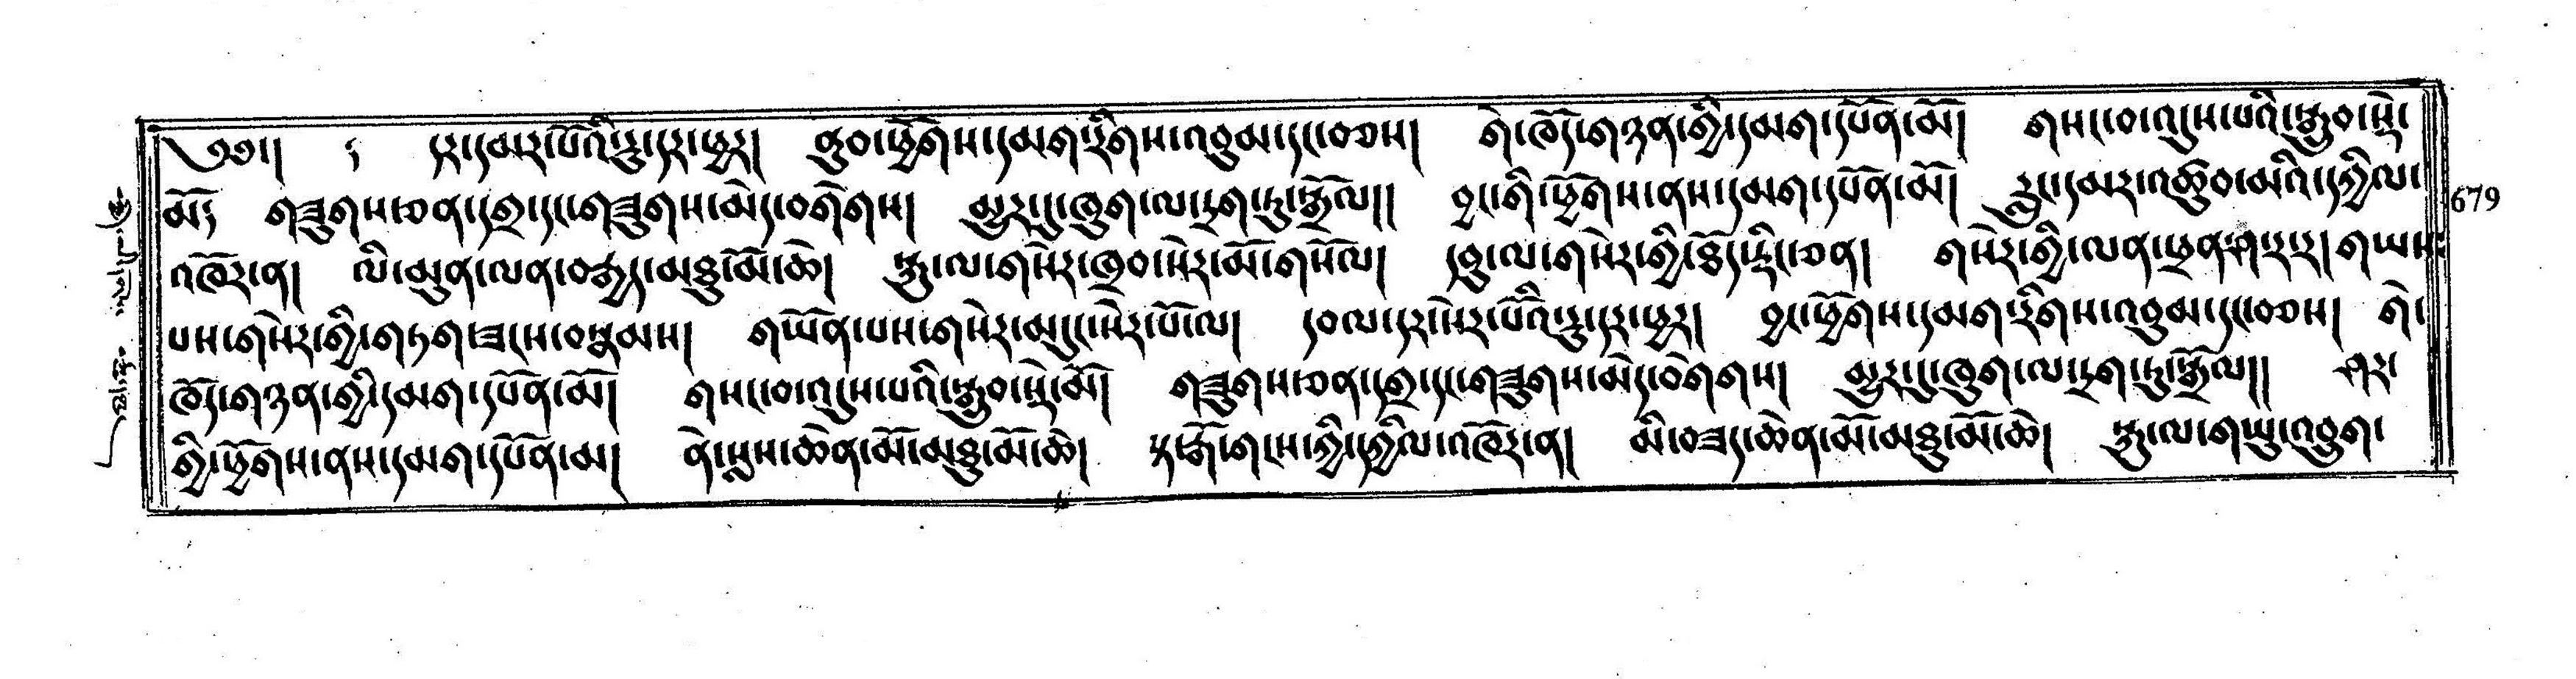དར་དམར་པོའི་རུ་དར་ཕྱར། ནུབ་ཕྱོགས་དམག་རིགས་འབུམ་དང་བཅས། གེ་ཁོད་གཉན་གྱི་དམག་དཔོན་མོ། གསང་བ་འདུས་པའི་སྒྲུབ་སྡེ་
མོ། གཟུགས་ཅན་དགྲ་དང་གཟུགས་མེད་བགེགས། མྱུར་དུ་ཁུག་ལ་དྲག་ཏུ་སྒྲོལ།། བྱང་གི་ཕྱོགས་ནས་དམག་དཔོན་མོ། རླུང་དམར་འཚུབ་མའི་དཀྱིལ་
འཁོར་ན། ལི་མུན་ལན་བརྒྱད་མཐུ་མོ་ཆེ། སྐུ་ལ་གསེར་ཁྲབ་སེར་མོ་གསོལ། དབུ་ལ་གསེར་གྱི་ཐོད་རྡིང་ཅན། གསེར་གྱི་ལན་ཕྲན་ཤ་ར་ར། གཡས་
པས་གསེར་གྱི་གཏག་ཟངས་བསྣམས། གཡོན་པས་གསེར་མདུང་སེར་པོ་ལ། དབལ་དར་སེར་པོའི་རུ་དར་ཕྱར། བྱང་ཕྱོགས་དམག་རིགས་འབུམ་དང་བཅས། གེ་
ཁོད་གཉན་གྱི་དམག་དཔོན་མོ། གསང་བ་འདུས་པའི་སྒྲུབ་སྡེ་མོ། གཟུགས་ཅན་དགྲ་དང་གཟུགས་མེད་བགེགས། མྱུར་དུ་ཁུག་ལ་དྲག་ཏུ་སྒྲོལ།། ཤར་
གྱི་ཕྱོགས་ནས་དམག་དཔོན་མ། ནེ་སླས་ཆེན་མོ་མཐུ་མོ་ཆེ། སྟ་རྒོ་གངས་ཀྱི་དཀྱིལ་འཁོར་ན། མི་བཟད་ཆེན་མོ་མཐུ་མོ་ཆེ། སྐུ་ལ་གཡུ་འབྲུག་